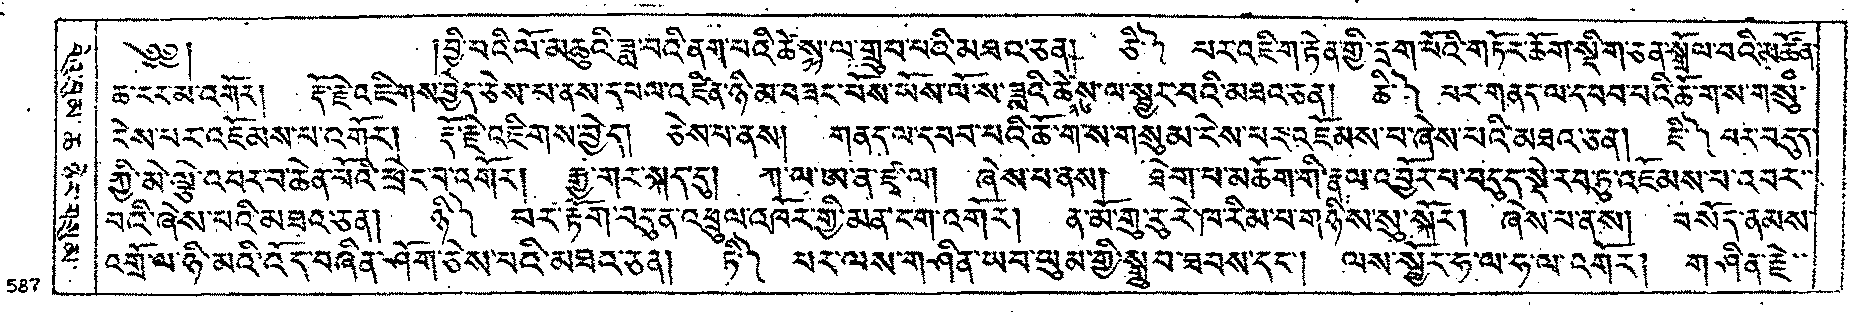༄༅། །བྱི་བའི་ལོ་མཆུའི་ཟླ་བའི་ནག་པའི་ཚེས ༡༡་ལ་གྲུབ་པའི་མཐའ་ཅན། ཅ྄ི་པར་འཇིག་རྟེན་གྱི་དྲག་པོའི་གཏོར་ཆོག་སྡིག་ཅན་སྒྲོལ་བའི་མཚོན་
ཆ་ངར་མ་འགོར། རྡོ་རྗེ་འཇིགས་བྱེད་ཅེས་པ་ནས་དཔལ་འཛིན་ཉི་མ་བཟང་པོས་ཡོས་ལོ་ས་ཟླའི་ཚེས ༢༦་ལ་སྦྱར་བའི་མཐའ་ཅན། ཆ྄ི་པར་གནད་ལ་དབབ་པའི་ཆོ་ག་ས་གསུམ་
ངེས་པར་འཇོམས་པ་འགོར། རྡོ་རྗེ་འཇིགས་བྱེད། ཅེས་པ་ནས། གནད་ལ་དབབ་པའི་ཆོ་ག་ས་གསུམ་ངེས་པར་འཇོམས་པ་ཞེས་པའི་མཐའ་ཅན། ཇ྄ི་པར་བདུད་
ཀྱི་མེ་ལྕེ་འབར་བ་ཆེན་པོའི་ཕྲེང་བ་འགོར། རྒྱ་གར་སྐད་དུ། ཀ་ལ་ཨ་ན་ཛྭ་ལ། ཞེས་པ་ནས། ཐེག་པ་མཆོག་གི་རྣལ་འབྱོར་པ་བདུད་སྡེ་རབ་ཏུ་འཇོམས་པ་འབར་
བའི་ཞེས་པའི་མཐའ་ཅན། ཉ྄ི་པར་རྟོག་བདུན་འཕྲུལ་འཁོར་གྱི་མན་ངག་འགོར། ན་མོ་གུ་རུ་རེ་ཁ་རིམ་པ་གཉིས་སུ་སྐོར། ཞེས་པ་ནས། བསོད་ནམས་
འགྲོ་ལ་ཉི་མའི་འོད་བཞིན་ཤོག་ཅེས་པའི་མཐའ་ཅན། ཏ྄ི་པར་ལས་གཤིན་ཡབ་ཡུམ་གྱི་སྒྲུབ་ཐབས་དང་། ལས་སྦྱོར་ཧ་ལ་ཧ་ལ་འགོར། གཤིན་རྗེ་